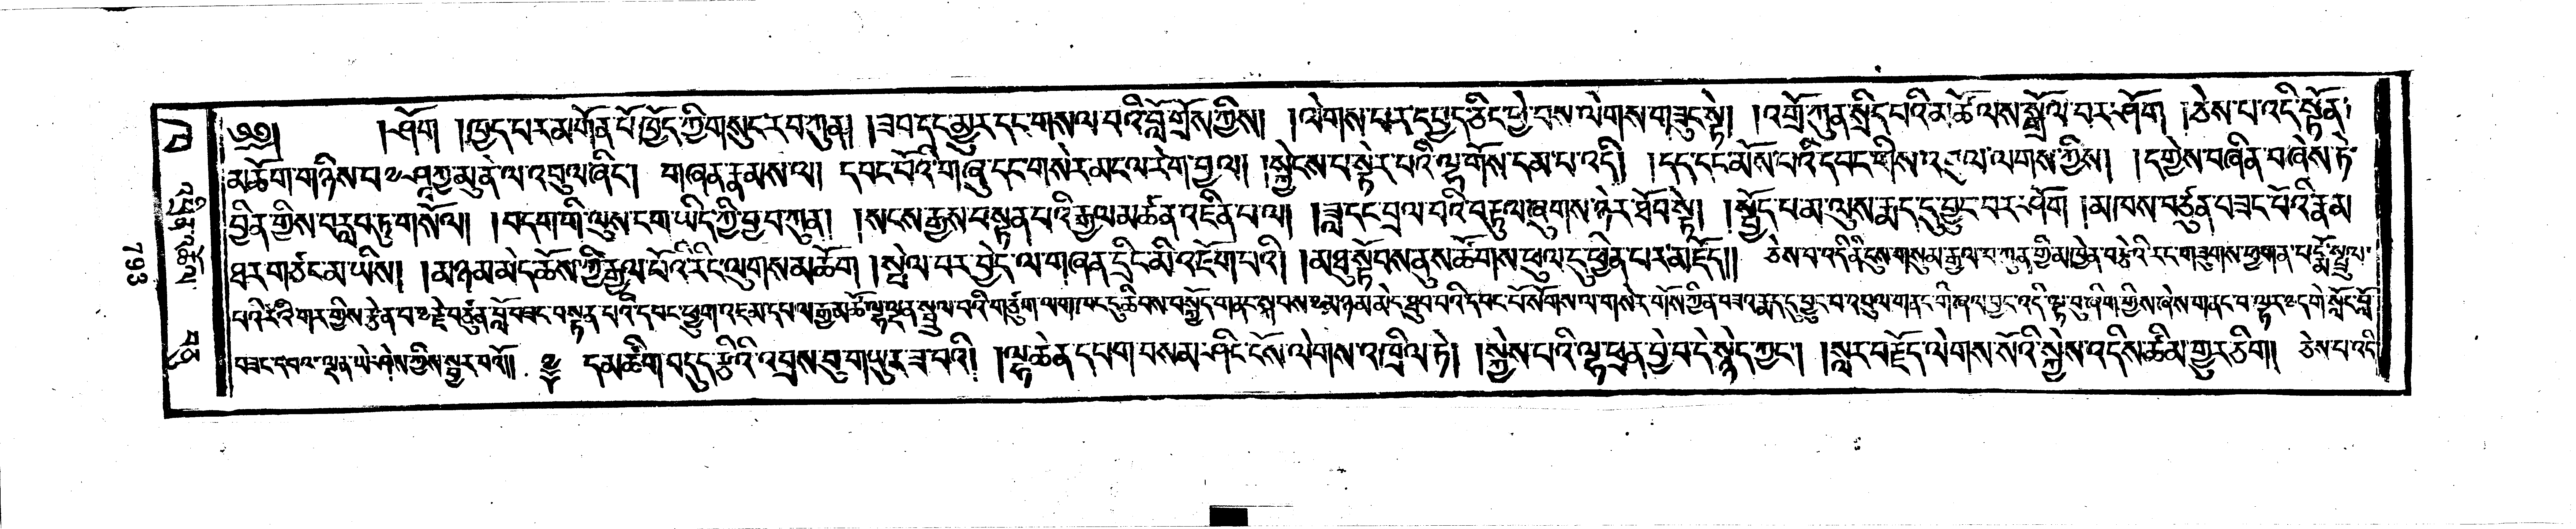༄༅། །ཤོག །ཁྱད་པར་མགོན་པོ་ཁྱོད་ཀྱི་གསུང་རབ་ཀུན། །ཟབ་དང་མྱུར་དང་གསལ་བའི་བློ་གྲོས་ཀྱིས། །ལེགས་པར་དཔྱད་ཅིང་ཕྱེ་བས་ལེགས་གཟུང་སྟེ། །འགྲོ་ཀུན་སྲིད་པའི་མཚོ་ལས་སྒྲོལ་བར་ཤོག །ཅེས་པ་འདི་སྟོན།
མཆོག་གཉིས་པ་༧་ཤཱཀྱ་མུ་ནེ་ལ་འབུལ་ཞིང་། གཞན་རྣམས་ལ། དབང་པོའི་གཞུ་དང་གསེར་མངལ་རེག་བྱ་ལ། །སྐྱེངས་པ་སྟེར་པའི་ལྷ་གོས་དམ་པ་འདི། །དད་དང་མོས་པའི་དབང་གིས་འབུལ་ལགས་ཀྱིས། །དགྱེས་བཞིན་བཞེས་ཏེ་
བྱིན་གྱིས་བརླབ་ཏུ་གསོལ། །བདག་གི་ལུས་ངག་ཡིད་ཀྱི་བྱ་བ་ཀུན། །སངས་རྒྱས་བསྟན་པའི་རྒྱལ་མཚན་འཛིན་པ་ལ། །ཟླ་དང་བྲལ་བའི་བརྟུལ་ཞུགས་ཉེར་ཐོབ་སྟེ། །སྤྱོད་པ་མ་ལུས་རྨད་དུ་བྱུང་བར་ཤོག །མཁས་བཙུན་བཟང་པོའི་རྣམ་
ཐར་གཙང་མ་ཡིས། །མཉམ་མེད་ཆོས་ཀྱི་རྒྱལ་པོའི་རིང་ལུགས་མཆོག །སྤེལ་བར་བྱེད་ལ་གཞན་དྲིང་མི་འཇོག་པའི། །མཐུ་སྟོབས་ནུས་ཚོགས་ཕུལ་དུ་ཕྱིན་པར་མཇོད།། ཅེས་པ་འདི་ནི་དུས་གསུམ་རྒྱལ་བ་ཀུན་གྱི་མཁྱེན་བརྩེའི་རང་གཟུགས་ཕྱག་ན་པདམོ་སྤྲུལ་
པའི་རའི་གར་གྱིས་རྩེན་པ་༧་རྗེ་བཙུན་བློ་བཟང་བསྟན་པའི་དབང་ཕྱུག་འཇམ་དཔལ་རྒྱ་མཚོ་ལྷ་ལྡན་སྦྲུལ་བའི་གཙུག་ལག་ཁང་དུ་ཆིབས་བསྐྱོད་གནང་སྐབས་༧་མཉམ་མེད་ཐུབ་པའི་དབང་པོ་སོགས་ལ་གསེར་གོས་ཀྱི་ན་བཟའ་རྨད་དུ་བྱུང་བ་འབུལ་གནང་གི་ཞལ་བྱང་འདི་ལྟ་བུ་ཞིག་གྱིས་ཞེས་གནང་བ་ལྟར་༧་དགེ་སློང་བློ་
བཟང་དཔའ་ལྡན་ཡེ་ཤེས་ཀྱིས་སྦྱར་བའོ།། ༈ དམ་ཚིག་བདུད་རྩིའི་འབྲས་བུ་གཡུར་ཟ་བའི། །ལྷ་ཆེན་དཔག་བསམ་ཤིང་ངོས་ལེགས་འཁྲིལ་ཏེ། །སྐྱེས་པའི་ལྷ་ཕྲན་བྱེ་བ་དེ་སྙེད་ཀྱང་། །སླར་བརྗོད་ལེགས་སོའི་སྐྱེས་འདིས་ཚིམ་གྱུར་ཅིག། ཅེས་པ་འདི་